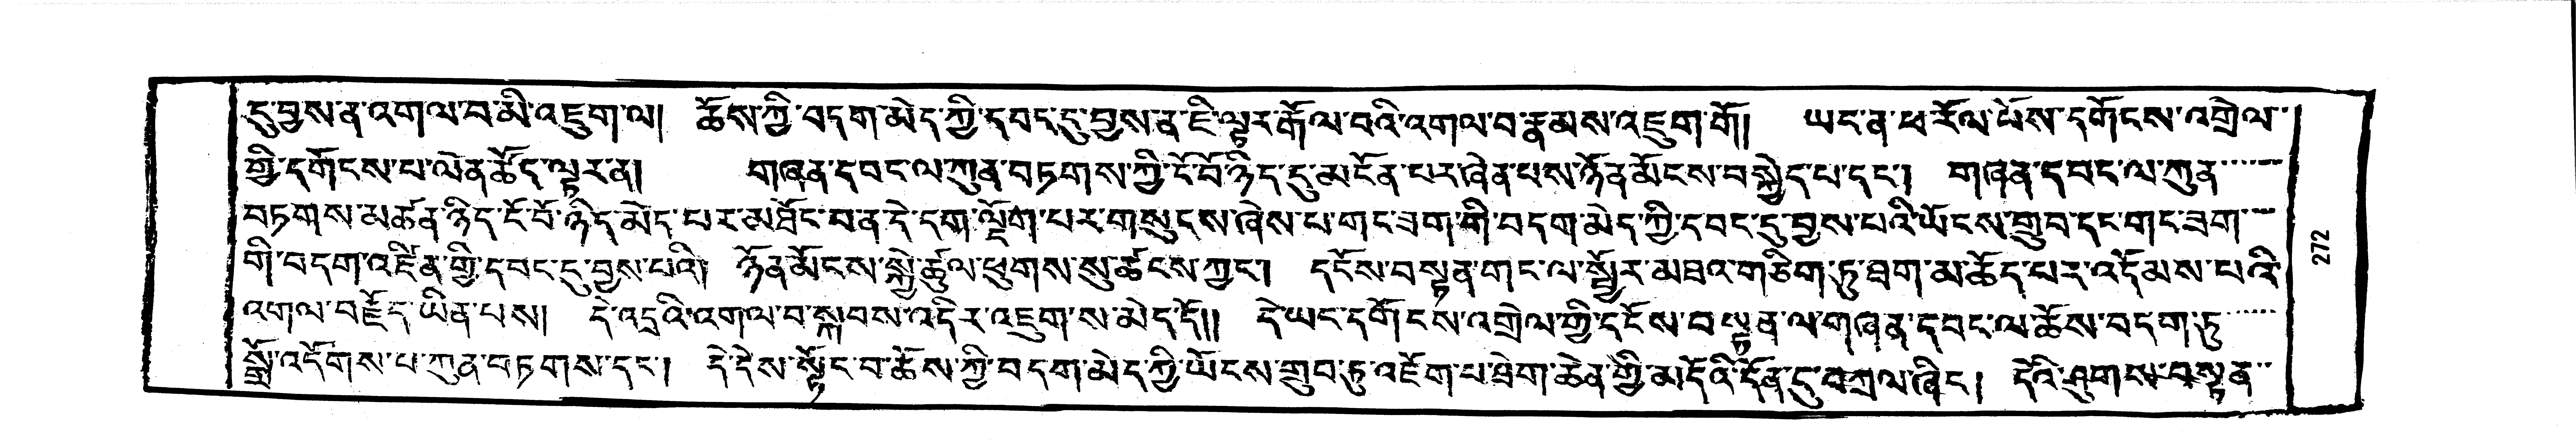དུ་བྱས་ན་འགལ་བ་མི་འཇུག་ལ། ཆོས་ཀྱི་བདག་མེད་ཀྱི་དབང་དུ་བྱས་ན་ཇི་ལྟར་རྒོལ་བའི་འགལ་བ་རྣམས་འཇུག་གོ །ཡང་ན་ཕ་རོལ་པོས་དགོངས་འགྲེལ་
གྱི་དགོངས་པ་ལེན་ཚོད་ལྟར་ན། གཞན་དབང་ལ་ཀུན་བཏགས་ཀྱི་ངོ་བོ་ཉིད་དུ་མངོན་པར་ཞེན་པས་ཉོན་མོངས་བསྐྱེད་པ་དང་། གཞན་དབང་ལ་ཀུན་
བཏགས་མཚན་ཉིད་ངོ་བོ་ཉིད་མེད་པར་མཐོང་བ་ན་དེ་དག་ལྡོག་པར་གསུངས་ཞེས་པ་གང་ཟག་གི་བདག་མེད་ཀྱི་དབང་དུ་བྱས་པའི་ཡོངས་གྲུབ་དང་གང་ཟག་
གི་བདག་འཛིན་གྱི་དབང་དུ་བྱས་པའི། ཉོན་མོངས་སྐྱེ་ཚུལ་ཕུགས་སུ་ཚངས་ཀྱང་། དངོས་བསྟན་གང་ལ་སྦྱོར་མཐའ་གཅིག་ཏུ་ཐག་མ་ཆོད་པར་འདོམས་པའི་
འགལ་བརྗོད་ཡིན་པས། དེ་འདྲའི་འགལ་བ་སྐབས་འདིར་འཇུག་ས་མེད་དོ། །དེ་ཡང་དགོངས་འགྲེལ་གྱི་དངོས་བསྟན་ལ་གཞན་དབང་ལ་ཆོས་བདག་ཏུ་
སྒྲོ་འདོགས་པ་ཀུན་བཏགས་དང་། དེ་དེས་སྟོང་པ་ཆོས་ཀྱི་བདག་མེད་ཀྱི་ཡོངས་གྲུབ་ཏུ་འཇོག་པ་ཐེག་ཆེན་གྱི་མདོའི་དོན་དུ་བཀྲལ་ཞིང་། དེའི་ཤུགས་བསྟན་